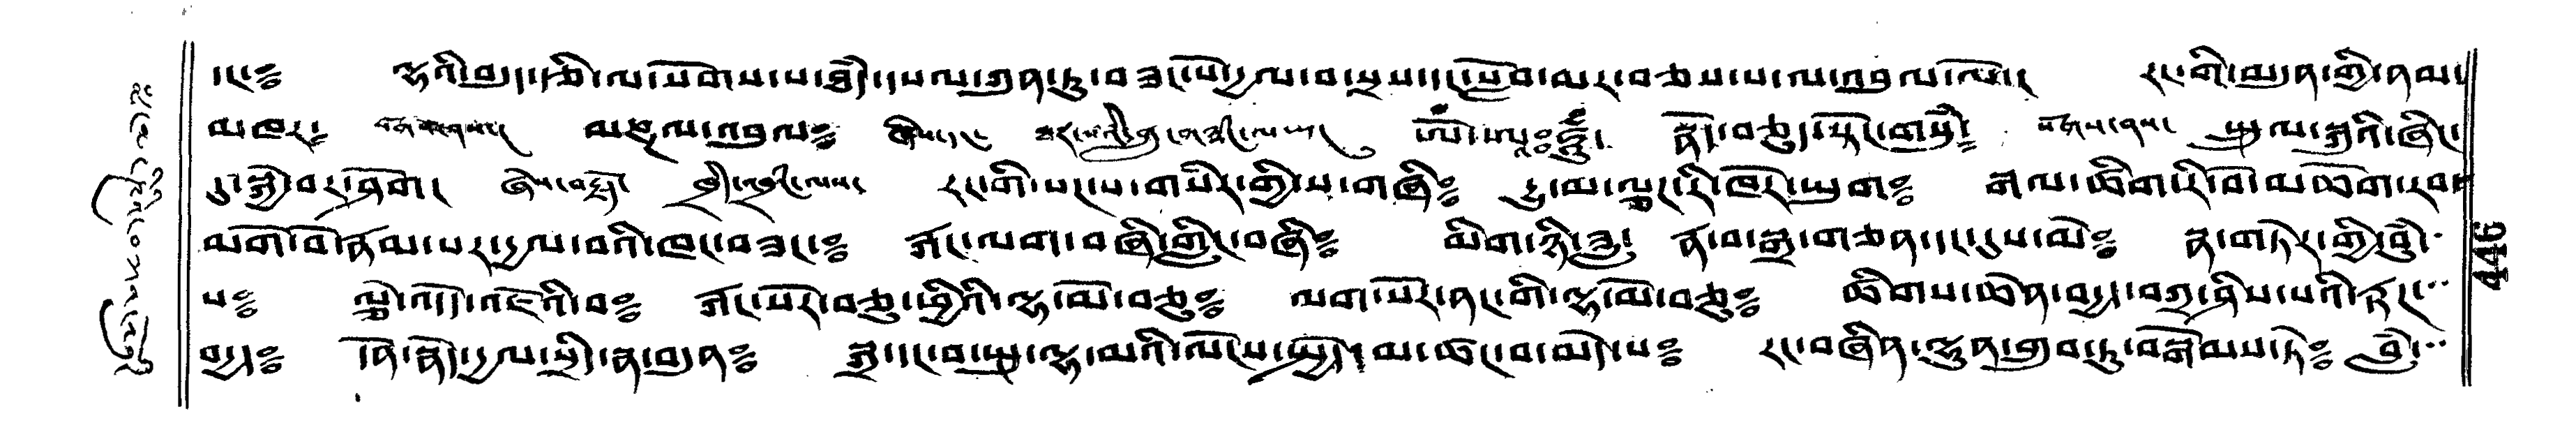དང༔ ལྷའི་བདུད་རྩི་ལ་སོགས་པ་ཐམས་ཅད་དཔལ་ཀུན་ཏུ་བཟང་པོ་རྒྱལ་བ་སྲས་དང་སློབ་མར་བཅས་པ་ལ་འབུལ་ལོ༔ རང་གི་མདུན་གྱི་ནམ་
མཁར༴ སོགས་ནས། མཎྜལ་འབུལ༔ཞེས་དང་། ཐར་པའི་གྲུ་གཟིངས་ལས། ཨོཾ་ཨཱཿཧཱུྃ། སྣོད་བཅུད་སྟོང་གསུམ༴ སོགས་ནས། སྤྲུལ་སྐུའི་ཞིང་
དུ་སྐྱེ་བར་ཤོག ཞེས་བརྗོད། ཁྲིད་འབྲིང་ལས། རང་གི་པགས་པ་གསེར་གྱི་ས་གཞི༔ རྒྱུ་མ་ལྕགས་རི་ཁོར་ཡུག༔ སྒལ་ཚིགས་རི་བོ་མཆོག་རབ༔ 
མགོ་བོ་རྣམ་པར་རྒྱལ་བའི་ཁང་བཟང༔ རྐང་ལག་བཞི་གླིང་བཞི༔ མིག་ཉི་ཟླ༔ རྣ་བ་སྒྲ་གཅན་དང་དུས་མེ༔ སྣ་གཏེར་གྱི་བུམ་
པ༔ ལྕེ་འདོད་འཇོའི་བ༔ རྐང་སོར་བཅུ་ཕྱིའི་ལྷ་མོ་བཅུ༔ ལག་སོར་ནང་གི་ལྷ་མོ་བཅུ༔ ཚིགས་ཆེན་བརྒྱད་བཀྲ་ཤིས་པའི་རྟགས་
བརྒྱད༔ དོན་སྣོད་རྒྱལ་སྲིད་སྣ་བདུན༔ སྐྲ་དང་བ་སྤུ་ལྷ་མའི་ལོངས་སྤྱོད་མ་ཚང་བ་མེད་པ༔ རང་བཞིན་ལྷུན་གྲུབ་ཏུ་བསྒོམས་ཏེ༔ བླ་མ་